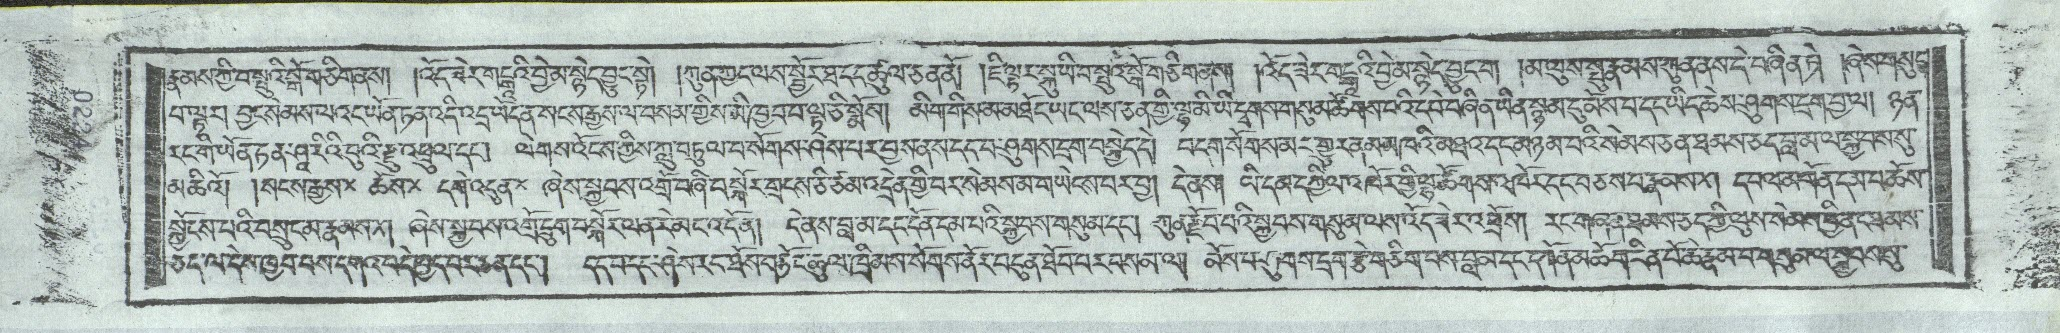རྣམས་ཀྱི་བ་སྤུའི་སྒོ་གཅིག་ནས། །འོད་ཟེར་གངྒཱའི་བྱེ་མ་སྙེད་བྱུང་སྟེ། །ཀུན་ཀྱང་ལས་སྦྱོར་ཐ་དད་ཚུལ་ཅན་ནོ། །ཇི་ལྟར་སྐུ་ཡི་བ་སྤུའི་སྒོ་གཅིག་ནས། །འོད་ཟེར་གངྒཱའི་བྱེ་མ་སྙེད་བྱུང་བ། །མ་ལུས་སྤུ་རྣམས་ཀུན་ནས་དེ་བཞིན་ཏེ། །ཞེས་གསུངས་
བ་ལྟར། བྱང་སེམས་ལའང་ཡོན་ཏན་འདི་འདྲ་ཡོད་ན་སངས་རྒྱས་ལ་བསམ་གྱིས་མི་ཁྱབ་པ་ལྟ་ཅི་སྨོས། མིག་གིས་མ་མཐོང་ཡང་ལས་ཅན་གྱི་ལྷ་མི་ཡི་དྭགས་གསུམ་ཚོགས་པའི་དཔེ་བཞིན་ཡིན་སྙམ་དུ་མོས་པ་དང་ཡིད་ཆེས་ཤུགས་དྲག་བྱ་ལ། ཉན་
རང་གི་ཡོན་ཏན་ཤཱ་རིའི་བུའི་རྫུ་འཕྲུལ་དང་། ལེགས་འོངས་ཀྱིས་ཀླུ་བཏུལ་བ་སོགས་ཤེས་པར་བྱས་ནས་དང་བཤུགས་དྲག་བསྐྱེད་དེ། བདག་སོགས་མར་གྱུར་ནམ་མཁའི་མཐའ་དང་མཉམ་པའི་སེམས་ཅན་ཐམས་ཅད་བླ་མ་ལ་སྐྱབས་སུ་
མཆིའོ། །སངས་རྒྱས་྾་ཆོས་྾་དགེ་འདུན་྾་ཞེས་སྐྱབས་འགྲོ་བཞི་བསྐོར་གྲངས་ཅི་ཙམ་འདྲེན་གྱི་བར་སེམས་མ་གཡེངས་པར་བྱ། དེ་ནས། ཡི་དམ་དཀྱིལ་འཁོར་གྱི་ལྷ་ཚོགས་འཁོར་དང་བཅས་པ་རྣམས་྾། དཔལ་མགོན་དམ་པ་ཆོས་
སྐྱོངས་པའི་བསྲུང་མ་རྣམས་྾། ཞེས་སྐྱབས་འགྲོ་དྲུག་བསྐོར་ལན་རེ་མང་འདོན། དེ་ནས་བླ་མ་དང་དོན་དམ་པའི་སྐྱབས་གསུམ་དང་། ཀུན་རྫོབ་པའི་སྐྱབས་གསུམ་ལས་འོད་ཟེར་འཕྲོས། རང་གཞན་ཐམས་ཅད་ཀྱི་ལུས་སེམས་ཕྱི་ནང་ཐམས་
ཅད་ལ་དེས་ཁྱབ་བས་དགའ་བདེ་ཁྱད་པར་ཅན་དང་། དད་པ་དང་ཤེས་རང་ཐོས་གཏོང་ཚུལ་ཁྲིམས་སོགས་ནོར་བདུན་ཐོབ་པར་བསམ་ལ། མོས་པ་ཤུགས་དྲག་རྩེ་གཅིག་པས་བླ་མ་དང་དཀོན་མཆོག་རིན་པོ་ཆེ་རྣམ་པ་གསུམ་ལ་སྐྱབས་སུ་